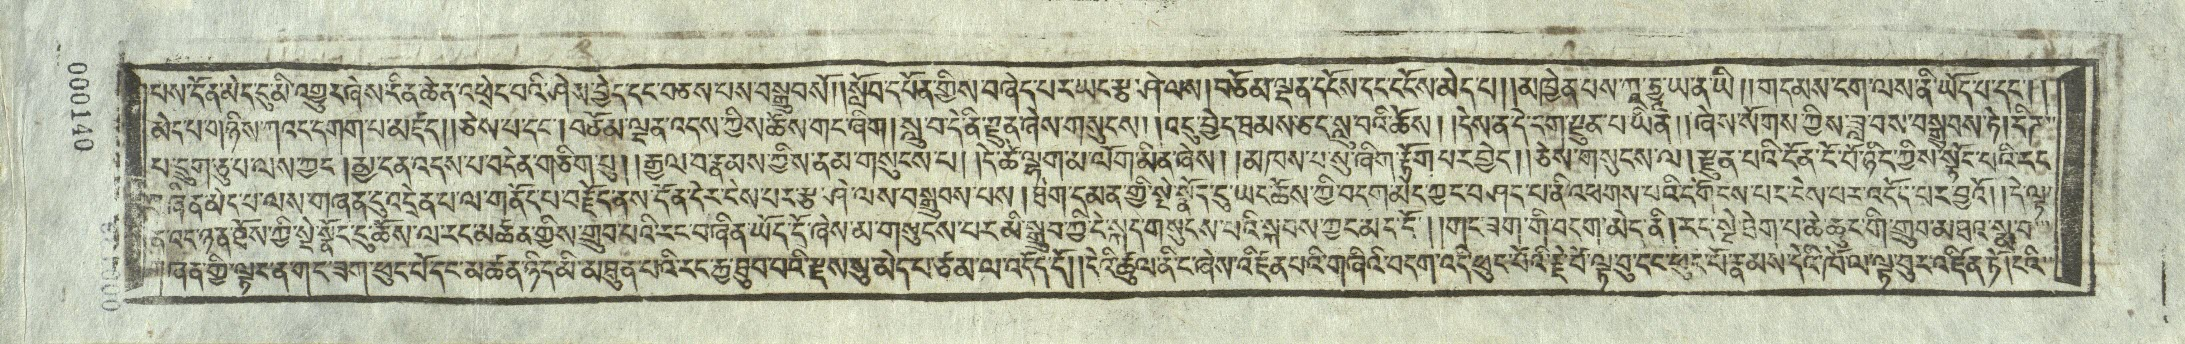པས་དོན་མེད་དུ་མི་འགྱུར་ཞེས་རིན་ཆེན་འཕྲེང་བའི་ཤེས་བྱེད་དང་བཅས་པས་བསྒྲུབས་སོ། །སློབ་དཔོན་གྱིས་བཞེད་པར་ཡང་རྩ་ཤེ་ལས། བཅོམ་ལྡན་དངོས་དང་དངོས་མེད་པ། །མཁྱེན་པས་ཀཱ་ཏྱཱ་ཡ་ན་ཡི། །གདམས་ངག་ལས་ནི་ཡོད་པ་དང་། །
མེད་པ་གཉིས་ཀའང་དགག་པ་མཛད། །ཅེས་པ་དང་། བཅོམ་ལྡན་འདས་ཀྱིས་ཆོས་གང་ཞིག །སླུ་བ་དེ་ནི་རྫུན་ཞེས་གསུངས། །འདུ་བྱེད་ཐམས་ཅད་སླུ་བའི་ཆོས། །དེས་ན་ད་དག་རྫུན་པ་ཡིན། །ཞེས་སོགས་ཀྱིས་ཟླ་བས་བསྒྲུབས་ཏེ། རིགས་
པ་དྲུག་ཅུ་པ་ལས་ཀྱང་། མྱ་ངན་འདས་པ་བདེན་གཅིག་པུ། །རྒྱལ་པ་རྣམས་ཀྱིས་ནམ་གསུངས་པ། །དེ་ཚེ་ལྷག་མ་ལོག་མིན་ཞེས། །མཁས་པ་སུ་ཞིག་རྟོག་པར་བྱེད། །ཅེས་གསུངས་ལ། རྫུན་པའི་དོན་ངོ་བོ་ཉིད་ཀྱིས་སྟོང་པའི་རང་
བཞིན་མེད་པ་ལས་གཞན་དུ་འདྲེན་པ་ལ་གནོད་པ་བརྗོད་ནས་དོན་དེར་ངེས་པར་རྩ་ཤེ་ལས་བསྒྲུབས་པས། ཐེག་དམན་གྱི་སྡེ་སྣོད་དུ་ཡང་ཆོས་ཀྱི་བདག་མེད་ཀྱང་བཤད་པ་ནི་འཕགས་པའི་དགོངས་པར་ངེས་པར་འདོད་པར་བྱའོ། །དེ་ལྟ་
ནའང་ཉན་ཐོས་ཀྱི་སྡེ་སྣོད་དུ་ཆོས་ལ་རང་མཚན་གྱིས་གྲུབ་པའི་རང་བཞིན་ཡོད་དོ་ཞེས་མ་གསུངས་པར་མི་སྒྲུབ་ཀྱི་དེ་སྐད་གསུངས་པའི་སྐབས་ཀྱང་མང་ངོ། །གང་ཟག་གི་བདག་མེད་ནི། རང་སྡེ་ཐེག་པ་ཆེ་ཆུང་གི་གྲུབ་མཐའ་སྨྲ་བ་
གཞན་གྱི་ལྟར་ན་གང་ཟག་ཕུང་པོ་དང་མཚན་ཉིད་མི་མཐུན་པའི་རང་རྐྱ་ཐུབ་པའི་རྫས་སུ་མེད་པ་ཙམ་ལ་འདོད་དོ། །དེའི་ཚུལ་ནི་ང་ཞེས་འཛིན་པའི་གཞིའི་བདག་འདི་ཕུང་པོའི་རྗེ་བོ་ལྟ་བུ་དང་ཕུང་པོ་རྣམས་དེའི་ཁོ་ལ་ལྟ་བུར་འཛིན་ཏེ། ངའི་